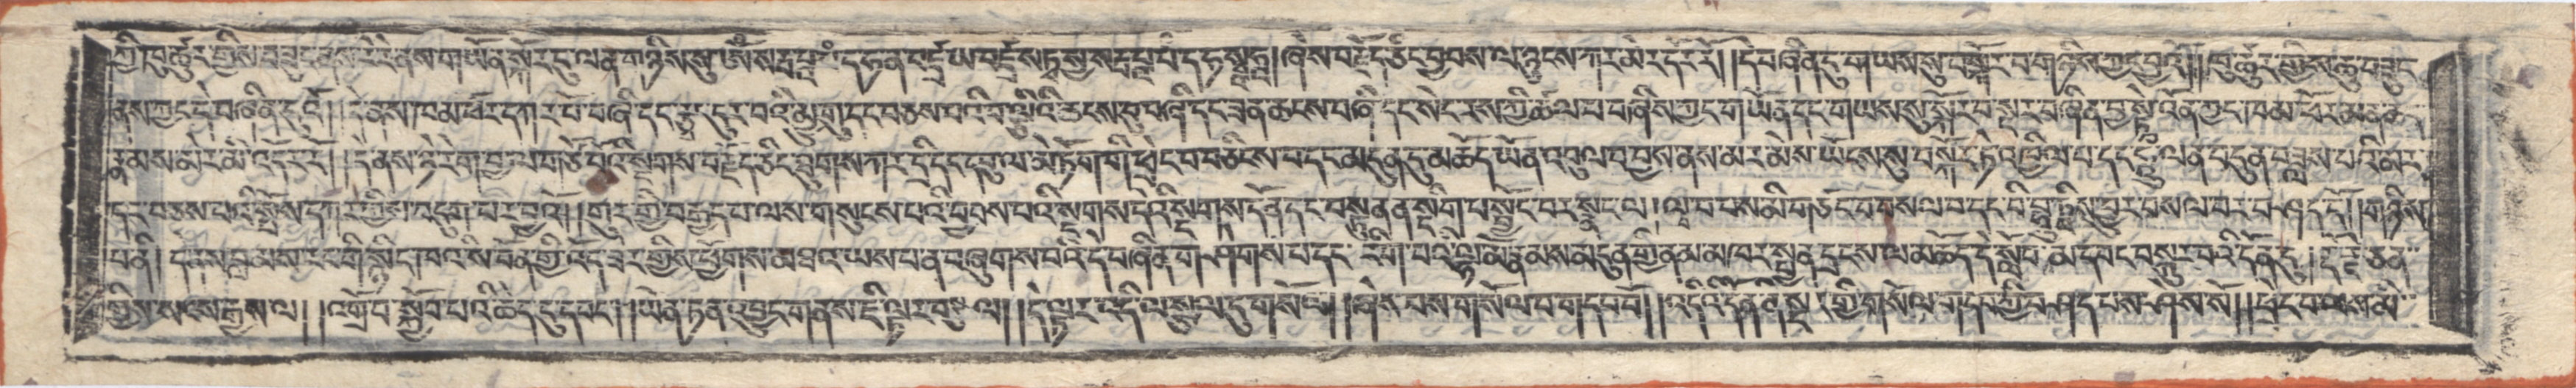ཀྱི་ཁུ་ཚུར་གྱིས་བཟུང་ནས་རེ་རེ་ནས་གཡོན་སྐོར་དུ་ལན་གཉིས་སུ་ཨོཾ་སརྦ་པཱ་པཾ་ད་ཧ་ན་བཛྲ་ཡ་བཛྲ་སཏྭ་སྱ་སརྦ་པཱ་པཾ་ད་ཧ་སྭཱ་ཧཱ། ཞེས་བརྗོད་ཅིང་བྱབས་ལ་ཉུང་ཀར་མེར་དོར་རོ། །དེ་བཞིན་དུ་གཡས་སུ་བསྐོར་བ་གཉིས་ཀྱང་བྱའོ། །ཁུ་ཚུར་གྱིས་ཆུ་བཟུང་
ནས་ཀྱང་དེ་བཞིན་དུའོ། །དེ་ནས་ཁམ་ཕོར་དཀར་པོ་བཞི་དང་རྩྭ་དུར་བའི་མྱུ་གུ་དང་བཅས་པའི་བ་ལྕིའི་ཆངས་བུ་བཞི་དང་ཟན་ཆངས་བཞི་དང་སེང་རས་ཀྱི་ཚལ་པ་བཞིས་ཀྱང་གཡོན་དང་གཡས་སུ་སྐོར་བ་སྔར་བཞིན་བྱ་སྟེ་འོན་ཀྱང་ཁམ་ཕོར་མན་ཆད་
རྣམས་མེར་མི་འདོར་རོ། །དེ་ནས་ཉེ་རེག་བྱ་ལ་གཙོ་བོའི་སྔགས་བརྗོད་ཅིང་ཐུགས་ཀར་དྲི་དང་དབུ་ལ་མེ་ཏོག་གི་ཕྲེང་བ་བཅིངས་པ་དང་མདུན་དུ་མཆོད་ཡོན་འབུལ་བ་བྱས་ནས་མར་མེས་ཡོངས་སུ་བསྐོར་ཏེ་འཁྱིལ་པ་དང་ཧཱུཾ་ལན་བདུན་བཟླས་པའི་མར་
དང་བཅས་པའི་སྤོས་དཀར་གྱིས་བདུག་པར་བྱའོ། །གུར་གྱི་བརྒྱད་པ་ལས་གསུངས་པའི་བྱབས་པའི་སྔགས་དེའི་སྔགས་དོན་དང་བསྟུན་ན་སྡིག་པ་སྦྱོང་བར་སྣང་ལ། ལྭ་བ་པས་མི་གཙང་བ་བསལ་པ་དང་བི་བྷཱུ་ཏཱིས་བྱུར་བསལ་བར་བཤད་དོ། །གཉིས་
པ་ནི། དེ་ནས་བླ་མས་རང་གི་སྙིང་ཁའི་ས་བོན་གྱི་འོད་ཟེར་གྱིས་ཕྱོགས་མཐའ་ཡས་པ་ན་བཞུགས་པའི་དེ་བཞིན་གཤེགས་པ་དང་རིག་པའི་ལྷ་མོ་རྣམས་མདུན་གྱི་ནམ་མཁར་སྤྱན་དྲངས་ལ་མཆོད་དེ་སློབ་མ་དབང་བསྐུར་བའི་དོན་དུ། རྡོ་རྗེ་ཅན་
གྱིས་སངས་རྒྱས་ལ། །འགྲོ་བ་སྐྱོབ་པའི་ཆེད་དུ་དབང་། །ཡོན་ཏན་འབྱུང་གནས་ཇི་ལྟར་བསྩལ། །དེ་ལྟར་འདི་ལ་སྩལ་དུ་གསོལ། །ཞེས་པས་གསོལ་བ་གདབ་བོ། །འདིའི་དོན་ནི་སྔར་གྱི་གསོལ་གདབ་ཀྱི་བཤད་པས་ཤེས་སོ། །ཕྲེང་བ་ལས་མི་